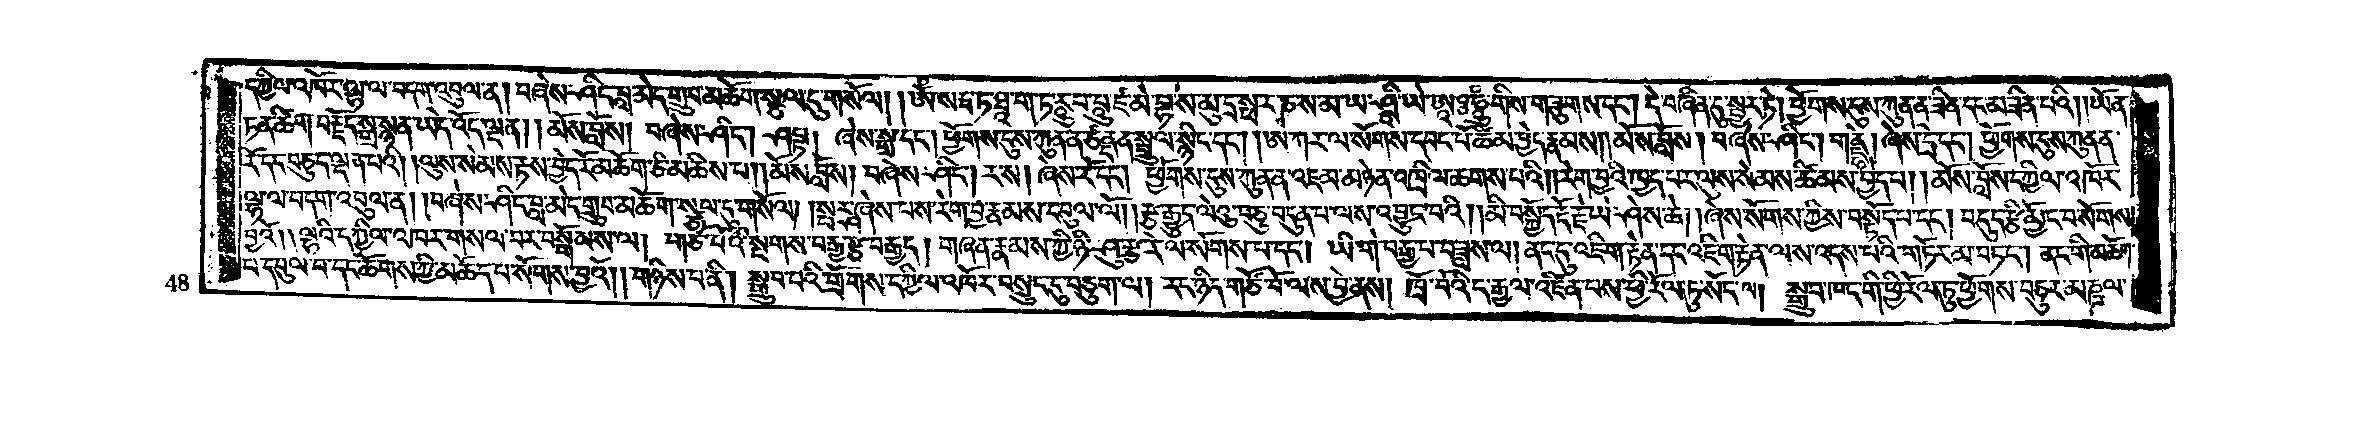དཀྱིལ་འཁོར་ལྷ་ལ་བདག་འབུལ་ན། བཞེས་ཤིང་བླ་མེད་གྲུབ་མཆོག་སྩལ་དུ་གསོལ། །ཨོཾ་སརྦ་ཏ་ཐཱ་ག་ཏ་རཱུ་པ་པཱུ་ཛ་མེ་བྷ་ས་བུ་དྲ་སྥ་ར་ཎཱ་ས་མ་ཡ་ཤྲཱི་ཡེ་ཨཱཿ ཧཱུཾ་གིས་གཟུགས་དང་། དེ་བཞིན་དུ་སྦྱར་ཏེ། ཕྱོགས་དུས་ཀུན་ན་ཟིན་དང་མ་ཟིན་པའི། །ཡོན་
ཏན་ཚིག་བརྗོད་སྒྲ་སྙན་ཡེད་འོད་ལྡན། །མོས་བློས། བཞེས་ཤིང་། ཤྤྟ།?  ཞེས་སྒྲ་དང་། ཕྱོགས་དུས་ཀུན་ན་ཙནདན་སྦྲུལ་སྙིང་དང་། །ཨ་ཀར་ལ་སོགས་དབང་པོ་ཚིམ་བྱེད་རྣམས། །མོས་བློས། བཞེས་ཤིང་། གནདྷེ།?  ཞེས་དྲེ་དང་། ཕྱོགས་དུས་ཀུན་ན་
རོ་དང་བཅུད་ལྡན་པའི། །ལུས་སེམས་རྟས་བྱེད་རོ་མཆོག་ཅི་མཆིས་པ། །མོས་བློས། བཞེས་ཤིང་། ར་ས། ཞེས་རོ་དང་། ཕྱོགས་དུས་ཀུན་ན་འཇམ་མཉེན་འཁྲིལ་ཆགས་པའི། །རེག་བྱའི་ཁྱད་པར་ལུས་སེམས་ཚིམས་བྱེད་པ། །མོས་བློས་དཀྱིལ་འཁོར་
ལྷ་ལ་བདག་འབུལ་ན། །བཞེས་ཤིང་བླ་མེད་གྲུབ་མཆོག་སྩལ་དུ་གསོལ། །སྤར་ཤ་ཞེས་པས་རེག་བྱ་རྣམས་དབུལ་ལོ། །རྩ་རྒྱུད་ལེའུ་བཅུ་བདུན་པ་ལས་འབྱུང་བའི། །མི་བསྐྱོད་རྡོ་རྗེ་ཡེ་ཤེས་ཆེ། །ཞེས་སོགས་ཀྱིས་བསྟོད་པ་དང་། བདུད་རྩི་མྱོང་བ་སོགས་
བྱའོ། །ལྷའི་དཀྱིལ་འཁོར་གསལ་བར་བསྒོམས་ལ། གཙོ་བོའི་སྔགས་བརྒྱ་རྩ་བརྒྱད། གཞན་རྣམས་ཀྱི་ཉི་ཤུ་རྩ་རེ་ལ་སོགས་པ་དང་། ཡི་གེ་བརྒྱ་པ་བཟླས་ལ། ནང་དུ་འཇིག་རྟེན་དང་འཇིག་རྟེན་ལས་འདས་པའི་གཏོར་མ་བཏང་། ནང་གི་མཆོག་
པ་དབུལ་བ་དང་ཚོགས་ཀྱི་མཆོད་པ་སོགས་བྱའོ། །གཉིས་པ་ནི། སྒྲུབ་པའི་གྲོགས་དཀྱིལ་འཁོར་བསྲུང་དུ་བཅུག་ལ། རང་ཉིད་གཙོ་བོ་ལས་བྱེ་ནས། ཁྲོ་བོའི་ང་རྒྱལ་འཛིན་པས་ཕྱི་རོལ་ཏུ་སོང་ལ། སྒྲུབ་ཁང་གི་ཕྱི་རོལ་ཏུ་ཕྱོགས་བཅུར་མཎཌལ་